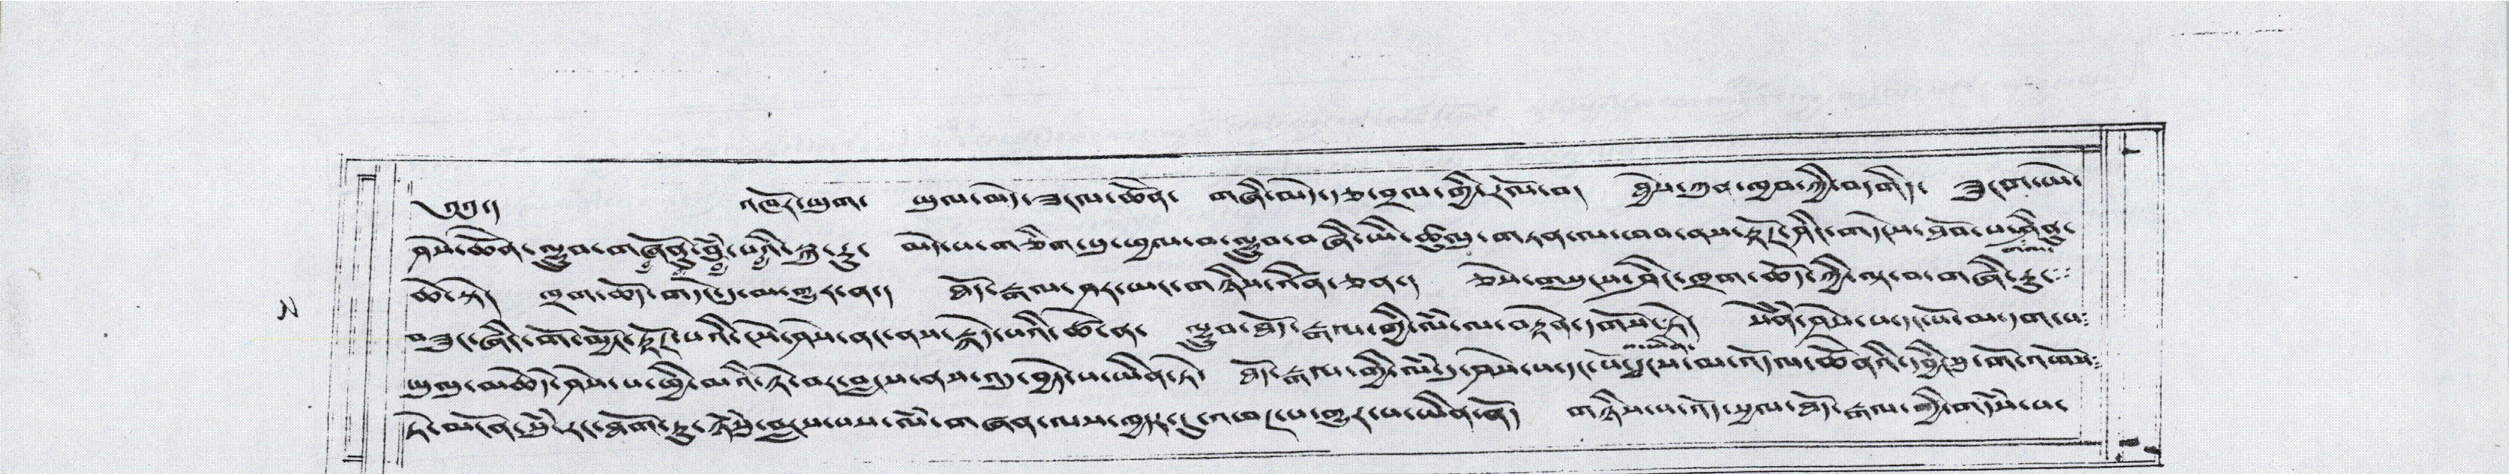འཁོར་ཡུག། ཡུལ་མེད་ཟང་ཐལ་ཆེན་པོ། གཞི་མེད་རྩ་བྲལ་གྱི་རོལ་པ། ཐུགས་རྗེ་ཀུན་ཁྱབ་ཀྱི་བདག་ཉིད། ཟུང་འཇུག་གི་
ཡེ་ཤེས་ཆེན་པོ་ལྷུན་གྲུབ་གཞོན་ནུ་བུམ་པའི་སྐུ་རུ། མེད་པ་ནགཅིག་པུ་ཕྱལ་བ་ལྷུན་གྲུབ་རྣམ་པ་བཞི་ཡི་ཚུལ་དུ་གཏན་ལ་ཕབ་ནས་རྟོགས་ཤིང་གདེང་ཐོབ་པ་ནི་ཤིན་ཏུ་གལ་
ཆེ་སྟེ། ཁྲེག་ཆོད་གདེང་དུ་མ་གྱུར་པར། །ཐོད་རྒལ་ཤར་ཡང་གཉིས་འཛིན་ཅན། །ཅེས་གསུངས་ཤིང་ཁྲེག་ཆོད་ཀྱི་ལྟ་བ་གཞི་རུ་
བཟུང་ཞིང་གོ་མྱོང་རྟོགས་པའི་ངེས་ཤེས་ནང་ནས་རྙེད་པའི་ཚེ་ན། ལྷུན་གྲུབ་ཐོད་རྒལ་གྱི་ལམ་ལ་བརྟེན་དགོས་པ་ཡིན་ཏེ། སེམས་ཅན་ཤེས་པ་དང་པོ་མ་དག་པ་
ཡུལ་དུ་མཆེད་དེ་ཤེས་པ་ཕྱི་མའི་ཉེ་བར་བླང་ནས་འདུ་བྱེད་པ་ཡིན་ཏེ། ཐོད་རྒལ་གྱི་ལམ་དུ་ཤེས་པ་དང་པོ་དྭང་མ་འོད་གསལ་ཆེན་པོའི་དབྱིངས་སུ་གོ་འཕོས་
ཏེ་མངོན་སུམ་རང་ཐོག་ཏུ་ཉམས་སུ་བླང་པས་ལམ་གཞན་ལས་ཁྱད་པར་དུ་འཕགས་པར་གྱུར་པ་ཡིན་ནོ། གཉིས་པ་འོད་གསལ་ཐོད་རྒལ་གྱི་གདམས་པ་